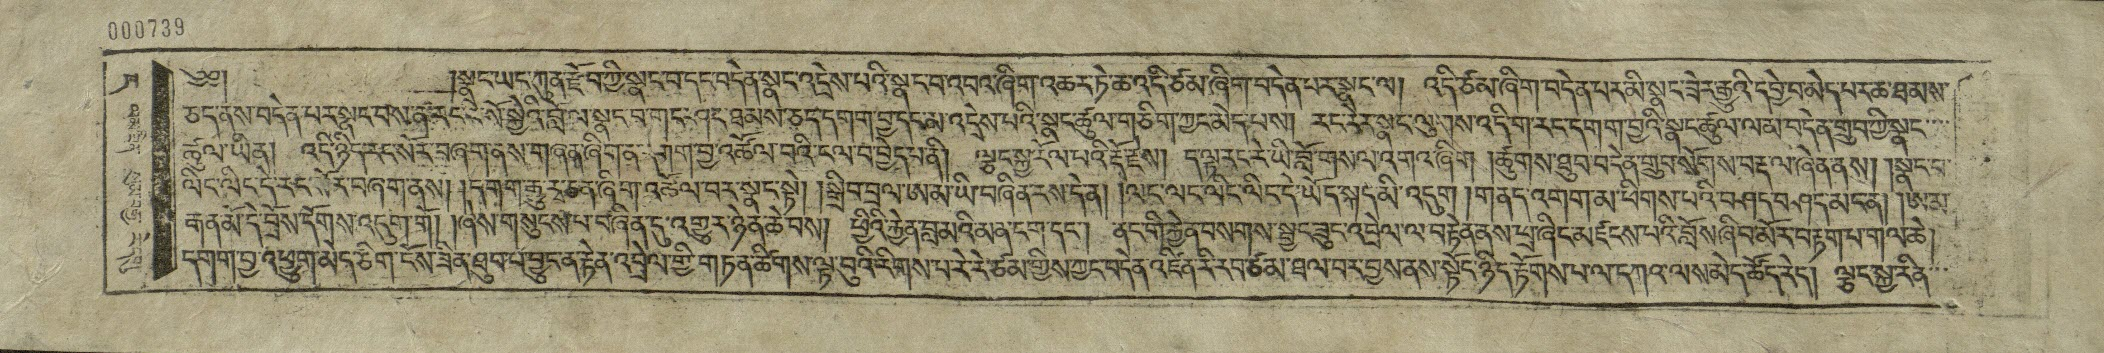༄༅། །སྣང་ཡང་ཀུན་རྫོབ་ཀྱི་སྣང་བ་དང་བདེན་སྣང་འདྲེས་པའི་སྣང་བ་འབའ་ཞིག་འཆར་ཏེ་ཆ་འདི་ཙམ་ཞིག་བདེན་པར་སྣང་ལ། འདི་ཙམ་ཞིག་བདེན་པར་མི་སྣང་ཟེར་རྒྱུའི་དབྱེ་བ་མེད་པར་ཆ་ཐམས་
ཅད་ནས་བདེན་པར་སྣང་བས་ན་རང་རེ་སོ་སྐྱེའི་བློ་ལ་སྣང་བ་གང་ཤར་ཐམས་ཅད་དགག་བྱ་དང་མ་འདྲེས་པའི་སྣང་ཚུལ་གཅིག་ཀྱང་མེད་པས། རང་རེར་སྣང་ལུགས་འདི་ག་རང་དགག་བྱའི་སྣང་ཚུལ་ལམ་བདེན་གྲུབ་ཀྱི་སྣང་
ཚུལ་ཡིན། འདི་ཉིད་རང་སོར་བཞག་ནས་གཞན་ཞིག་ན་དགག་བྱ་འཚོལ་བའི་ངལ་བ་བྱེད་པ་ནི། ལྕང་སྐྱ་རོལ་པའི་རྡོ་རྗེས། ད་ལྟ་རང་རེ་ཡི་བློ་གསལ་འགའ་ཞིག །ཚུགས་ཐུབ་བདེན་གྲུབ་སོགས་བརྡ་ལ་ཞེན་ནས། །སྣང་བ་
ལིང་ལིང་དེ་རང་སོར་བཞག་ནས། །དགག་རྒྱུ་རྭ་ཅན་ཞིག་འཚོལ་བར་སྣང་སྟེ། །སྒྲིབ་བྲལ་ཨ་མ་ཡི་བཞིན་རས་དེ་ན། །ལང་ལང་ལིང་ལིང་དེ་ཡོད་སྐད་མི་འདུག །གནད་འགག་མ་ཕིགས་པའི་བཤད་བཤད་མང་ན། །ཨ་མ་
རྒན་མོ་དེ་བྲོས་དོགས་འདུག་གོ། །ཞེས་གསུངས་པ་བཞིན་དུ་འགྱུར་ཉེན་ཆེ་བས། ཕྱིའི་རྐྱེན་བླ་མའི་མན་ངག་དང་། ནང་གི་རྐྱེན་བསགས་སྦྱང་ཟུང་འབྲེལ་ལ་བརྟེན་ནས་ཕྲ་ཞིང་མཛངས་པའི་བློས་ཞིབ་མོར་བརྟག་པ་གལ་ཆེ།
དགག་བྱ་འཕྱུག་མེད་ཅིག་ངོས་ཟིན་ཐུབ་པ་བྱུང་ན་རྟེན་འབྲེལ་གྱི་གཏན་ཚིགས་ལྟ་བུའི་རིགས་པ་རེ་རེ་ཙམ་གྱིས་ཀྱང་བདེན་འཛིན་རི་རབ་ཙམ་ཐལ་བར་བྱས་ནས་སྟོང་ཉིད་རྟོགས་པ་ལ་དཀའ་ལས་མེད་ཚོད་རེད། ལྕང་སྐྱ་རིན་